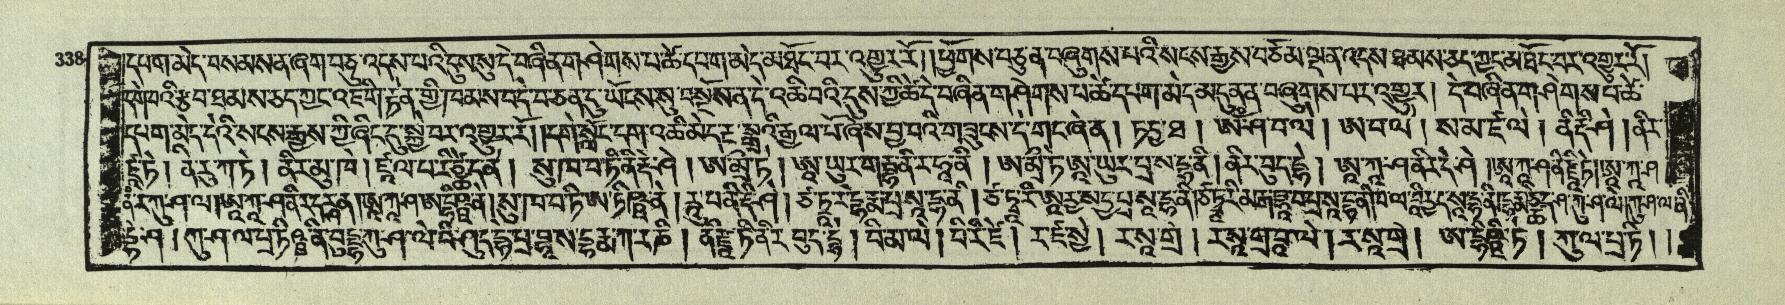དཔག་མེད་བསམས་ན་ཞག་བཅུ་འདས་པའི་དུས་སུ་དེ་བཞིན་གཤེགས་པ་ཚེ་དཔག་མེད་མཐོང་བར་འགྱུར་རོ། །ཕྱོགས་བཅུ་ན་བཞུགས་པའི་སངས་རྒྱས་བཅོམ་ལྡན་འདས་ཐམས་ཅད་ཀྱང་མཐོང་བར་འགྱུར་རོ།
དགེ་བའི་རྩ་བ་ཐམས་ཅད་ཀྱང་འཇིག་རྟེན་གྱི་ཁམས་བདེ་བ་ཅན་དུ་ཡོངས་སུ་བསྔོས་ན་དེ་འཆི་བའི་དུས་ཀྱི་ཚེ་དེ་བཞིན་གཤེགས་པ་ཚེ་དཔག་མེད་མདུན་ན་བཞུགས་པར་འགྱུར། དེ་བཞིན་གཤེགས་པ་ཚེ་
དཔག་མེད་དེའི་སངས་རྒྱས་ཀྱི་ཞིང་དུ་སྐྱེ་བར་འགྱུར་རོ། །དགེ་སློང་དག་འཆི་མེད་རྔ་སྒྲའི་རྒྱལ་པོ་ཞེས་བྱ་བའི་གཟུངས་དེ་གང་ཞེ་ན། ཏདྱ་ཐ། ཨོཾ་ཤ་བ་ལེ། ཨ་བ་ལ། ས་མ་ཛ་ལེ། ནི་རྡི་ཤེ། ནིར་
ཛཱ་ཏེ། ནི་རུ་ཀ་ཏེ། ནིར་མུ་ཁེ། ཛཱ་ལ་པ་རི་ཙྪེ་ད་ནེ། སུ་ཁ་བ་ཏི་ནི་རྡེ་ཤེ། ཨ་མྲི་ཏེ། ཨཱ་ཡུར་གརྦྷ་ནི་ར་ཧཱ་ནི། ཨ་མྲྀ་ཏེ་ཨཱ་ཡུར་པྲ་ས་དྷ་ནི། ནིར་བུད་དྷེ། ཨཱ་ཀཱ་ཤ་ནིར་དེ་ཤེ་།ཨཱ་ཀཱ་ཤ་ནི་རྫཱི་ཏེ། ཨཱ་ཀཱ་ཤ་
ནཾ་ར་ཀུ་ཤ་ལ། ཨཱ་ཀཱ་ཤ་ནིར་དརྴ་ན། ཨཱ་ཀཱ་ཤ་ཨ་བྷིའི་ཥྵི་ནེ། སུ་ཁ་བ་ཏི་ཨ་ཏི་ཥྵ་ནེ། རཱ་པ་ནི་རྡི་ཤེ། ཙ་ཏའ་རེ་དྷརྨ་པྲ་སཱ་དྷ་ནི། ཙ་ཏྭཱ་རི་ཨཱརྱ་པྲ་སཱ་དྷ་ནི། ཙ་ཏྭཱ་རི་མརྒ་བྷཱ་བ་པྲ་སཱ་དྷ་ནི་ཁ་ལ་བཱིརྱ་ད་སཱ་དྷ་ནི། དྷརྨ་ཙྪེ་ད་ཤ་ཀུ་ཤ་ལེ། ཀུ་ཤ་ལ་ནི་
དྷེ་ཤ། ཀུ་ཤ་ལ་པྲ་ཏེ་ཥཊཿཨ་ནི་བུདྡྷ་ཀུ་ཤ་ལེ་བི་ཤུད་དྷེ་པྲ་བྷཱ་ས་དྷརྨ་ཀ་ར་ཎི། ནི་རྫཱི་ཏི་ནི་ར་བུད་དྷེ། བི་མ་ལེ། བི་རི་ཛེ། ར་ཛ་སྱེ། ར་སཱ་གྲེ། ར་སཱ་གྲ་བཱ་ལེ། ར་སཱ་གྲེ། ཨ་དྷི་ཥྵི་ཏེ། ཀུ་ལ་པྲ་ཏི། །